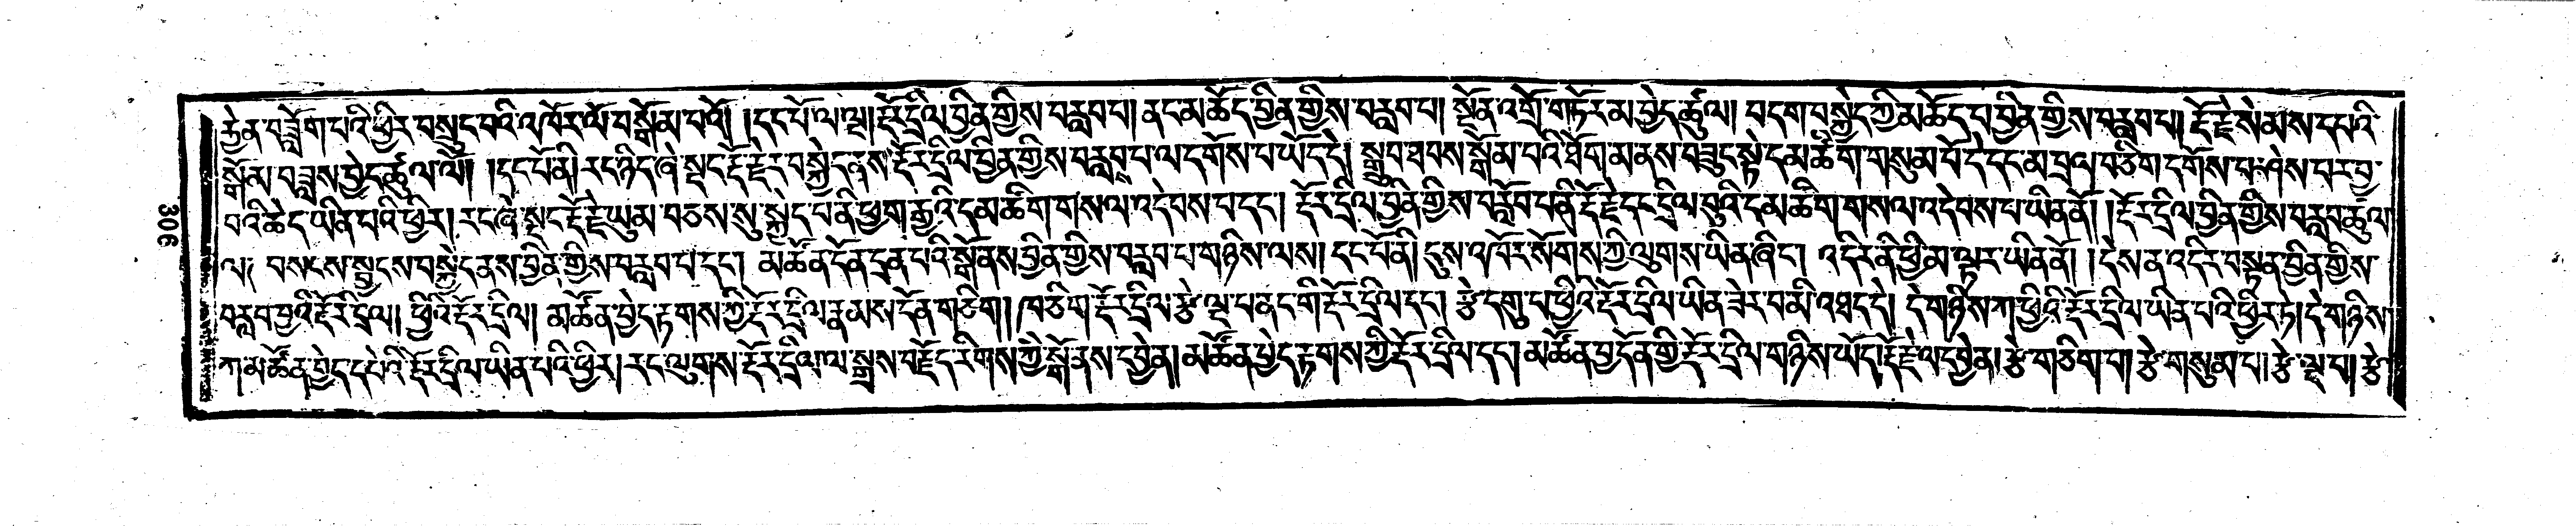རྐྱེན་བཟློག་པའི་ཕྱིར་བསྲུང་བའི་འཁོར་ལོ་བསྒོམ་པའོ། །དང་པོ་ལ་ལྔ། རྡོར་དྲིལ་བྱིན་གྱིས་བརླབ་པ། ནང་མཆོད་བྱིན་གྱིས་བརླབ་པ། སྔོན་འགྲོ་གཏོར་མ་བྱེད་ཚུལ། བདག་བསྐྱེད་ཀྱི་མཆོད་པ་བྱིན་གྱིས་བརླབ་པ། རྡོ་རྗེ་སེམས་དཔའི་
སྒོམ་བཟླས་བྱེད་ཚུལ་ལོ། །དང་པོ་ནི། རང་ཉིད་ཞེ་སྡང་རྡོ་རྗེར་བསྐྱེད་ནས་རྡོར་དྲིལ་བྱིན་གྱིས་བརླབ་པ་ལ་དགོས་པ་ཡོད་དེ། སྒྲུབ་ཐབས་སྒོམ་པའི་ཐོག་མ་ནས་བཟུང་སྟེ་དམ་ཚིག་གསུམ་པོ་དེ་དང་མ་བྲལ་བ་ཅིག་དགོས་པ་ཤེས་པར་བྱ་
བའི་ཆེད་ཡིན་པའི་ཕྱིར། རང་ཞེ་སྡང་རྡོ་རྗེ་ཡུམ་བཅས་སུ་སྐྱེད་པ་ནི་ཕྱག་རྒྱའི་དམ་ཚིག་གསལ་འདེབས་པ་དང་། རྡོར་དྲིལ་བྱིན་གྱིས་བརློབ་པ་ནི་རྡོ་རྗེ་དང་དྲིལ་བུའི་དམ་ཚིག་གསལ་འདེབས་པ་ཡིན་ནོ། །རྡོར་དྲིལ་བྱིན་གྱིས་བརླབ་ཚུལ་
ལ༑ བསངས་སྦྱངས་བསྐྱེད་ནས་བྱིན་གྱིས་བརླབ་པ་དང་། མཚོན་དོན་དྲན་པའི་སྒོ་ནས་བྱིན་གྱིས་བརླབ་པ་གཉིས་ལས། དང་པོ་ནི། དུས་འཁོར་སོགས་ཀྱི་ལུགས་ཡིན་ཞིང་། འདིར་ནི་ཕྱི་མ་ལྟར་ཡིན་ནོ། །དེས་ན་འདིར་བསྟན་བྱིན་གྱིས་
བརླབ་བྱའི་རྡོར་དྲིལ། ཕྱིའི་རྡོར་དྲིལ། མཚོན་བྱེད་རྟགས་ཀྱི་རྡོར་དྲིལ་རྣམས་དོན་གཅིག །ཁ་ཅིག་རྡོར་དྲིལ་རྩེ་ལྔ་པ་ནང་གི་རྡོར་དྲིལ་དང་། རྩེ་དགུ་པ་ཕྱིའི་རྡོར་དྲིལ་ཡིན་ཟེར་པ་མི་འཐད་དེ། དེ་གཉིས་ཀ་ཕྱིའི་རྡོར་དྲིལ་ཡིན་པའི་ཕྱིར་ཏེ། དེ་གཉིས་
ཀ་མཚོན་བྱེད་དཔེའི་རྡོར་དྲིལ་ཡིན་པའི་ཕྱིར། རང་ལུགས་རྡོར་དྲིལ་ལ་སྒྲས་བརྗོད་རིགས་ཀྱི་སྒོ་ནས་དབྱེ་ན། མཚོན་བྱེད་རྟགས་ཀྱི་རྡོར་དྲིལ་དང་། མཚོན་བྱ་དོན་གྱི་རྡོར་དྲིལ་གཉིས་ཡོད། རྡོ་རྗེ་ལ་དབྱེ་ན། རྩེ་གཅིག་པ། རྩེ་གསུམ་པ། རྩེ་ལྔ་པ། རྩེ་